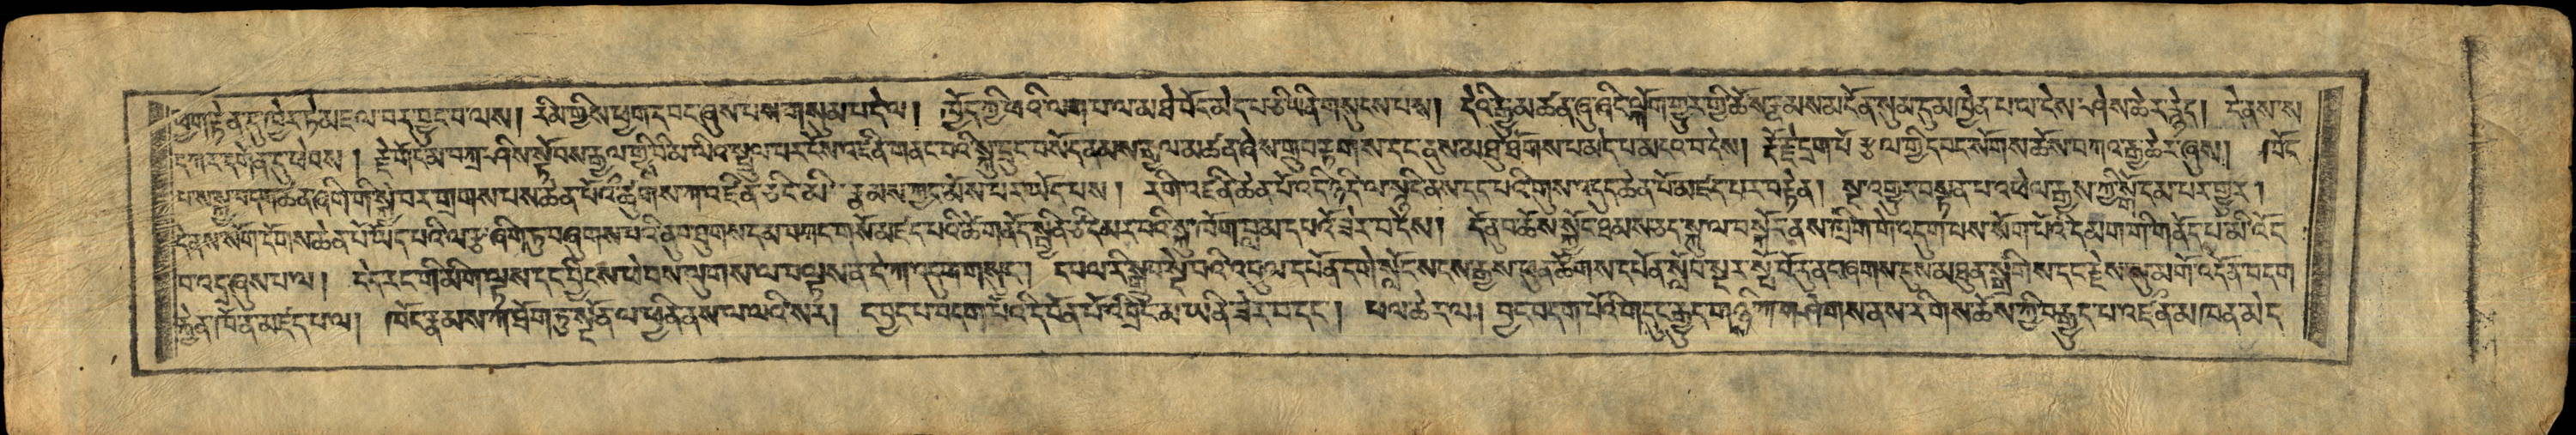ཕྱག་རྟེན་དུ་ཁྱེར་ཏེ་མཇལ་བར་བྱུང་བ་ལས། རིམ་གྱིས་ཕྱག་དབང་ཞུས་པས་གསུམ་པ་དེ་ལ། ཁྱོད་ཀྱི་ཕའི་ལག་པ་ལ་མཐེ་བོང་མེད་པ་ཅི་ཡིན་གསུངས་པས། དེའི་རྒྱུ་མཚན་ཞུ་ཞིང་ལྐོག་གྱུར་གྱི་ཆོས་རྣམས་མངོན་སུམ་དུ་མཁྱེན་པ་ལ་ངེས་ཤེས་ཆེར་རྙེད། དེ་ནས་ས་
དཀར་དགོན་དུ་ཕེབས། རྗེ་གོང་མ་བཀྲ་ཤིས་སྟོབས་རྒྱལ་གྱིས་བི་མ་ལིའ་སྤྲུལ་པར་ངོས་འཛིན་གནང་བའི་སྐུ་དྲུང་བསོད་ནམས་རྒྱལ་མཚན་ཞེས་གྲུབ་རྟགས་དང་ནུས་མཐུ་ཐོགས་པ་མེད་པ་མངའ་བ་དེས། རྡོ་རྗེ་དྲག་པོ་རྩལ་གྱི་དབང་སོགས་ཆོས་བཀའ་རྒྱ་ཆེར་ཞུས། ཁོང་
བས་སྐྱ་བདག་ཆེན་ཞིག་གི་སྐྱེ་བར་གྲགས་པས་ཆེན་པོའི་ཚུགས་ཀ་འཛིན་ཅིང་མི་རྣམས་ཀྱང་མོས་པར་ཡོད་པས། རིག་འཛིན་ཆེན་པོ་འདི་ཉིད་ལ་སྙིང་ནས་དད་པའི་གུས་འདུད་ཆེན་པོ་མཛད་པར་བརྟེན། སྔ་འགྱུར་བསྟན་པ་འཕེལ་རྒྱས་ཀྱི་སྒོ་དམ་བར་གྱུར།
དེ་ནས་སོག་དོགས་ཆེན་པོ་ཡོད་པའི་ལ་རྩ་ཞིག་ཏུ་བཞུགས་པའི་ནུབ་ཐུགས་དམ་བཀང་གསོ་མཛད་པའི་ཚེ་གནོད་སྦྱིན་ཙི་དམར་པའི་སྒུ་ཁོག་བླ་མ་དཔའོ་ཟེར་བ་དེས། དོ་ནུབ་ཆོས་སྐྱོང་ཐམས་ཅད་སྐུ་ལ་བསྐོར་ནས་ཁྲིག་གེ་འདུག་པས་སོག་པོའི་དམག་གི་གནོད་པ་མི་འོང་
པ་འདྲ་ཞུས་པ་ལ། ངེད་རང་གི་མིག་ལྟས་དང་བྱིངས་ཕེབས་ལུགས་ལ་བལྟས་ན་དེ་ཀ་འདུག་གསུང་། དཔལ་རི་སྒྲུབ་སྡེ་བའི་འབུལ་དཔོན་དགེ་སློང་སངས་རྒྱས་ཕུན་ཚོགས་དཔོན་སློབ་སྔར་སྤོ་པོ་རུ་ནང་ཞགས་དུས་མཐུན་སྒྲིགས་དང་རྗེས་སུ་མགོ་འདོན་བདག་
རྐྱེན་ཁོ་ན་མཛད་པ་ལ། ཁོང་རྣམས་ཀ་ཐོག་ཏུ་སྔོན་ལ་ཕྱིན་ནས་ལ་ལའི་སར། ད་བྱང་པ་བདག་པོའི་དབོན་པོ་འབྲིང་མ་ཡིན་ཟེར་བ་དང་། ཕལ་ཆེར་ལ། བྱང་བདག་པོའི་གདུང་རྒྱུད་གཉིས་ཀ་གཤགས་ནས་རིགས་ཆོས་ཀྱི་བརྒྱུད་པ་འཛིན་མཁན་མེད་